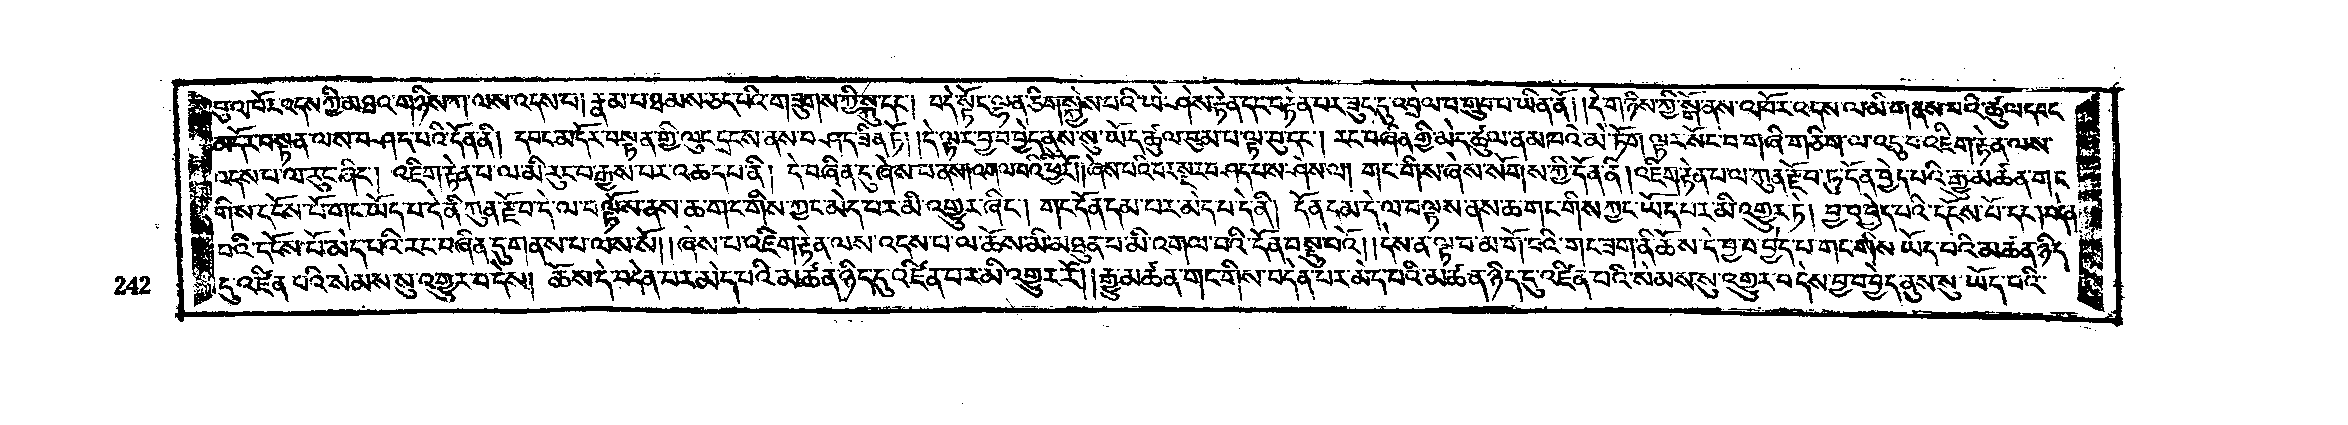བུ་འཁོར་འདས་ཀྱི་མཐའ་གཉིས་ཀ་ལས་འདས་པ། རྣམ་པ་ཐམས་ཅད་པའི་གཟུགས་ཀྱི་སྐུ་དང་། བདེ་སྟོང་ལྷན་ཅིག་སྐྱེས་པའི་ཡེ་ཤེས་རྟེན་དང་བརྟེན་པར་ཟུང་དུ་འབྲེལ་བ་གྲུབ་པ་ཡིན་ནོ། །དེ་གཉིས་ཀྱི་སྒོ་ནས་འཁོར་འདས་ལ་མི་གནས་པའི་ཚུལ་དབང་
མདོར་བསྟན་ལས་བཤད་པའི་དོན་ནི། དབང་མདོར་བསྟན་གྱི་ལུང་དྲངས་ནས་བཤད་ཟིན་ཏོ། །དེ་ལྟར་བྱ་བ་བྱེད་ནུས་སུ་ཡོད་ཚུལ་བུམ་པ་ལྟ་བུ་དང་། རང་བཞིན་གྱི་མེད་ཚུལ་ནམ་མཁའི་མེ་ཏོག་ལྟར་སོང་བ་གཞི་གཅིག་ལ་འདུ་བ་འཇིག་རྟེན་ལས་
འདས་པ་ལ་རུང་ཞིང་། འཇིག་རྟེན་པ་ལ་མི་རུང་བ་རྒྱས་པར་འཆད་པ་ནི། དེ་བཞིན་དུ་ཞེས་པ་ནས། འགལ་བའི་ཕྱིར་རོ། །ཞེས་པའི་བར་སྔར་བཤད་པས་ཤེས་ལ། གང་གིས་ཞེས་སོགས་ཀྱི་དོན་ནི། འཇིག་རྟེན་པ་ལ་ཀུན་རྫོབ་ཏུ་དོན་བྱེད་པའི་རྒྱུ་མཚན་གང་
གིས་དངོས་པོ་གང་ཡོད་པ་དེ་ནི་ཀུན་རྫོབ་དེ་ལ་བལྟོས་ནས་ཆ་གང་གིས་ཀྱང་མེད་པར་མི་འགྱུར་ཞིང་། གང་དོན་དམ་པར་མེད་པར་མི་འགྱུར་ཞིང་། གང་དོན་དམ་པར་མེད་པ་དེ་ནི། དོན་དམ་དེ་ལ་བལྟས་ནས་ཆ་གང་གིས་ཀྱང་ཡོད་པར་མི་འགྱུར་ཏེ། བྱ་བ་བྱེད་པའི་དངོས་པོ་དང་། བདེན་
པའི་དངོས་པོ་མེད་པའི་རང་བཞིན་དུ་གནས་པ་ལས་སོ། །ཞེས་པ་འཇིག་རྟེན་ལས་འདས་པ་ལ་ཆོས་མི་མཐུན་པ་མི་འགལ་བའི་དོན་བསྡུ་བའོ། །དེས་ན་ལྟ་བ་མ་གོ་བའི་གང་ཟག་ནི་ཆོས་དེ་བྱ་བ་བྱེད་པ་གང་གིས་ཡོད་པའི་མཚན་ཉིད་
དུ་འཛིན་པའི་སེམས་སུ་འགྱུར་བ་དེས། ཆོས་དེ་བདེན་པར་མེད་པའི་མཚན་ཉིད་དུ་འཛིན་པར་མི་འགྱུར་རོ། །རྒྱུ་མཚན་གང་གིས་བདེན་པར་མེད་པའི་མཚན་ཉིད་དུ་འཛིན་པའི་སེམས་སུ་འགྱུར་བ་དེས་བྱེད་ནུས་སུ་ཡོད་པའི་